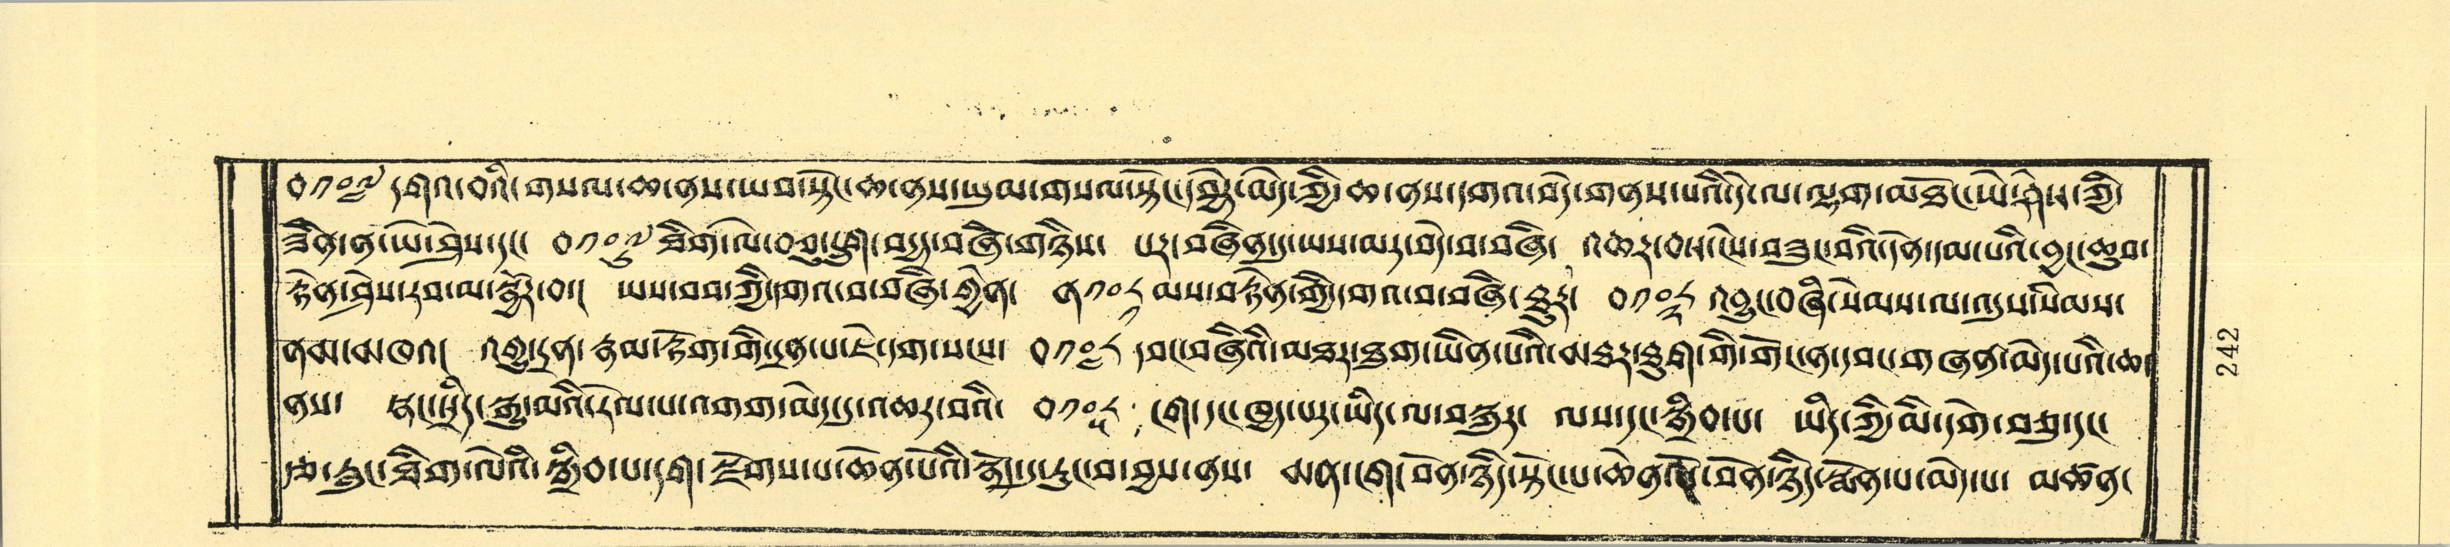བ༡༠༧།༤ ༼དགའ་བའི་༽གསལ་ཆ་ནས་ཡབ་སྟོང་ཆ་ནས་ཡུམ་གསལ་སྟོང་དབྱེར་མེད་ཀྱི་ཆ་ནས་དགའ་བདེ་གནས་པའི་དེ་ལ་ལྷག་མཐོག་ ༼ཡེ་ཤེས་༽ཀྱི་
ཟིན་ན་ཡེ་ཤེས་དང་བ༡༠༧།༦ ཐིག་ལེ་ ༼བཅུ་དྲུག་༽བརྒྱད་བཞི་གཉིས་ ༼པར་༽བཞིན་དུ་ཡས་མར་བདེ་བ་བཞི་ ༼འཆར་བས་༽ངེས་བཟུང་བའི་དོན་དམ་པའི་ ༼བྱང་༽ཆུབ་
རྟེན་ཤེས་རབ་མ་ ༼སྦྱོར་བ།༽ཡས་བབ་ཀྱི་དགའ་བ་བཞི་ ༼གྱེན་༽ན༡༠༨།༡ མས་བརྟེན་གྱི་དགའ་བ་བཞི་ ༼ཐུར་༽བ༡༠༨།༢ ༼འབྱུང་བཞི་༽སེམས་ལ་འདུས་སེམས་ 
༼ནམ་མཁའ་༽ ༼འགྱུ་དྲན་༽རྣམ་རྟོག་གི་དྲན་པ་ཇེ་དག་སངས་བ༡༠༨།༤ དབང་བཞིའི་མཐར་ཐུག་ཡིན་པའི་ ༼མཐར་ཐུག་༽གི་གོང་ན་དབང་གཞན་མེད་པའི་ཆ་
ནས། ༼སྣང་སྲིད་༽སྒྱུ་མའི་རོལ་པ་འགག་མེད་དུ་འཆར་བའི་བ༡༠༨།༥ ༼ངག་༽དང་ཁྱད་པར་ ༼ཡིད་༽ལ་བསྐུར། ལས་དང་ ༼སྒྲིབ་པ་༽ ༼ཡིད་༽ཀྱི་མི་དགེ་བཅུ་དང་
རྩ་རླུང་ཐིག་ལེིའི་ ༼སྒྲིབ་པ་དག་༽སྫོགས་པ་ཆེན་པོའི་སྣོད་དུ་རུང་བ་བྱས་ནས་ ༼མན་ངག་༽བོན་ཉིད་སྟོང་པ་ཆེན་པོ་བོན་ཉིད་སྨོན་པ་མེད་པ། མཚན་